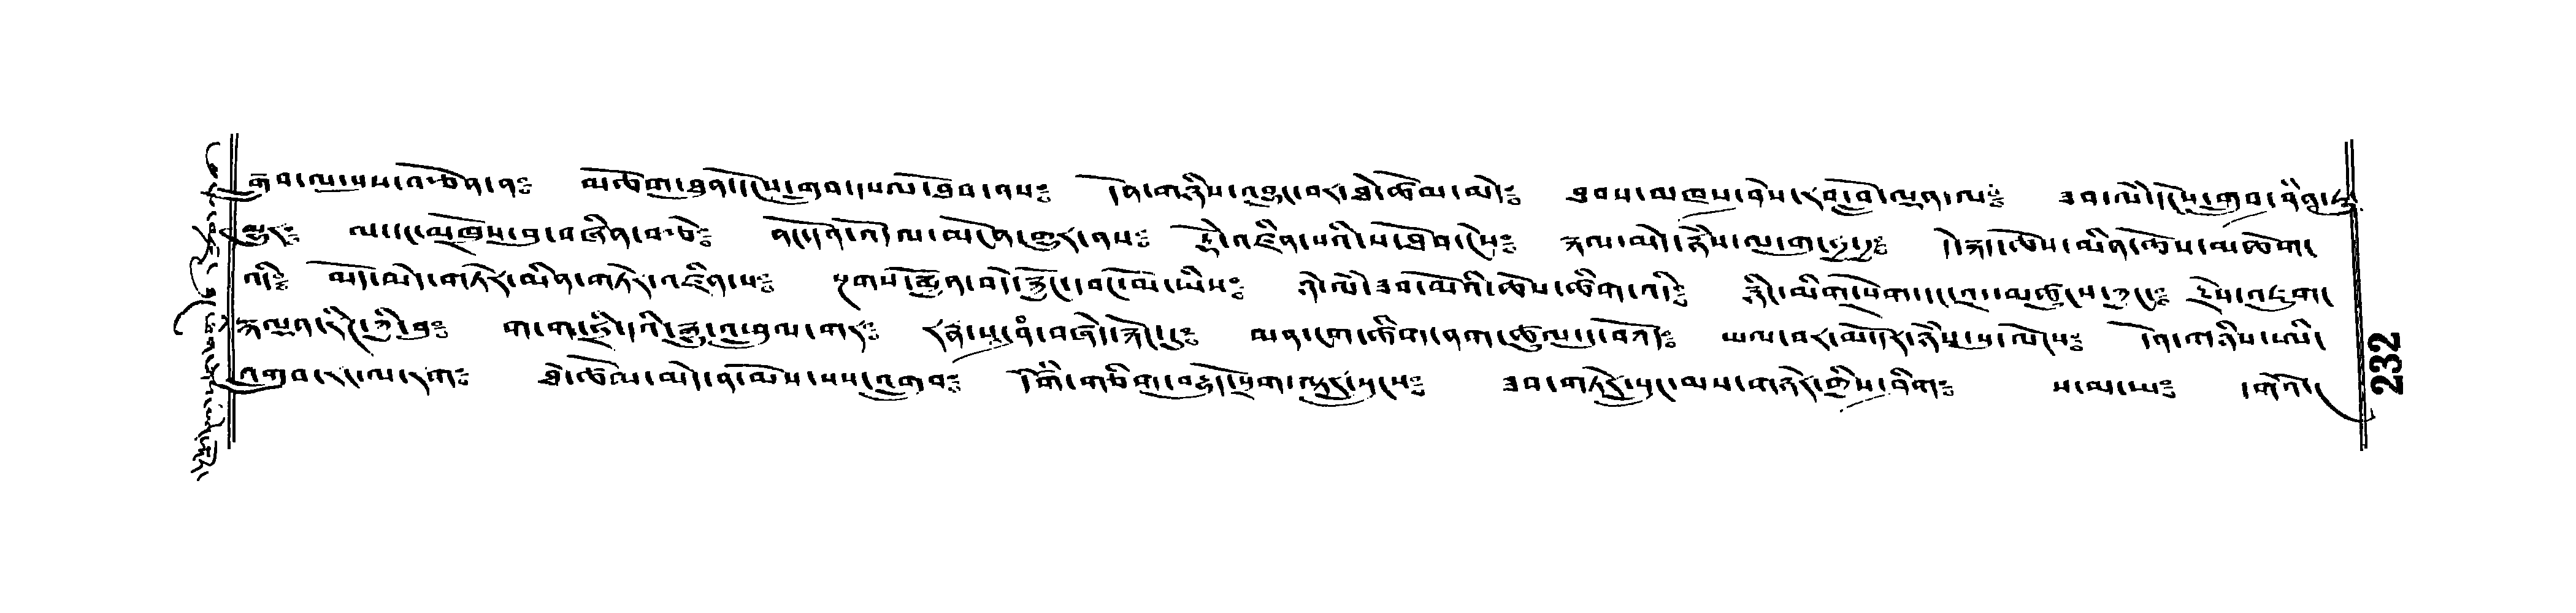སྒྲུབ་ལ་སུས་བརྩོན་ན༔ མཆོག་ཐུན་དངོས་གྲུབ་དཔལ་ཐོབ་ནས༔ དོན་གཉིས་འབྱུང་བར་ཐེ་ཚོམ་མེད༔ ཐབས་མཁས་ཤེས་རབ་བློ་ལྡན་ལ༔ ཟབ་ལམ་དངོས་གྲུབ་ཤིན་ཏུ་
མྱུར༔ མ་དང་མཁའ་འགྲོས་བུ་བཞིན་བརྩེ༔ ནང་དོན་འོད་གསལ་མངོན་གྱུར་ནས༔རྡོ་རྗེ་འཛིན་པའི་ས་ཐོབ་ངེས༔ སྐལ་མེད་རྣམས་ལ་གུ་ཧྱ་རྒྱ༔ དེ་སྐད་ཆོས་མིན་ཆོས་མཆོག་
འདི༔ མདོ་མེད་གཏེར་མིན་གཏེར་འཛིན་པ༔ སྔགས་སྨྱོན་བདེ་སྐྱོང་དབང་མོ་ཡིས༔ ཉེ་ལམ་ཟབ་མོའི་ཆོས་ཚིག་འདི༔ སྙིང་མིག་སྲོག་དང་འདྲ་མཚུངས་ཀྱང༔ རྗེས་འཇུག་
སྐལ་ལྡན་རིགས་ཀྱི་བུ༔ གག་ཧྲི་དའི་སྒྱུ་འཕྲུལ་གར༔ རཏྣ་པཱ་ཤཾ་བཞེད་སྐོང་དུ༔ མན་ངག་ཚིག་ནག་ཚུལ་དུ་བཀོད༔ ཡལ་བར་མ་དོར་ཉམས་སུ་ལོངས༔ དོན་གཉིས་ཨེ་
འགྲུབ་རང་ལ་རག༔ ཐེ་ཚོམ་མེད་ན་མོས་པས་འགྲུབ༔ དམ་ཚིག་གཅིག་བརྒྱུད་སྲོག་ལྟར་སྲུངས༔ ཟབ་གཏེར་སྲུང་མས་གཉེར་གྱིས་ཤིག༔ ས་མ་ཡ༔ དགེའོ།།